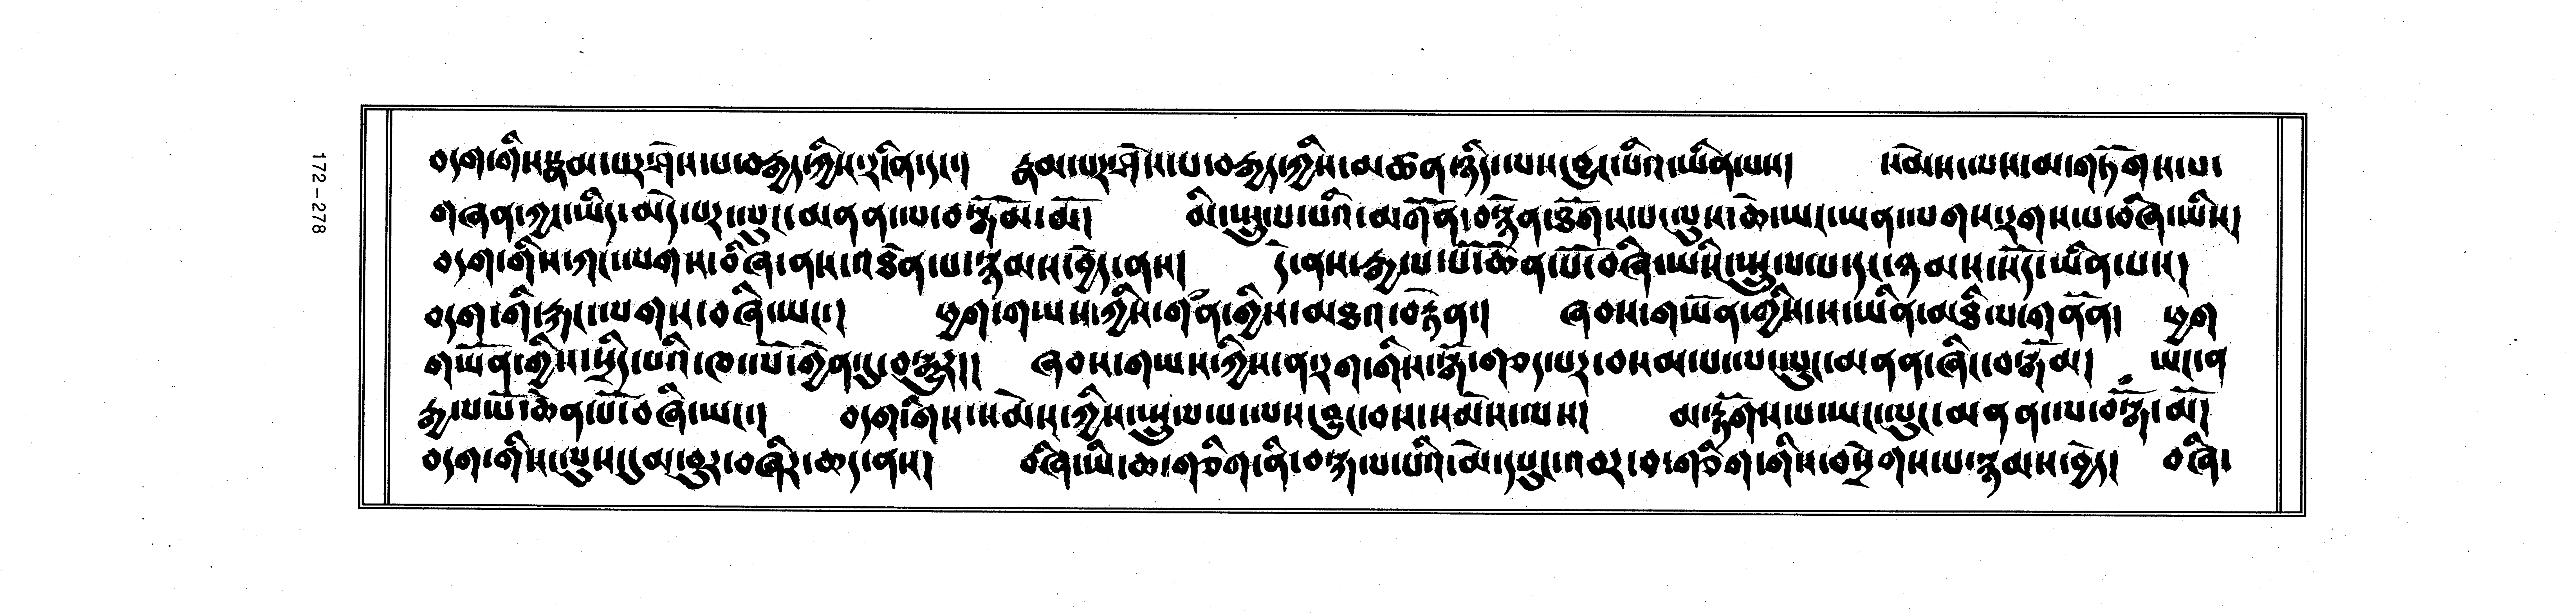བདག་གིས་རྣམ་པར་ཤེས་པ་བརྒྱད་ཀྱིས་རང་བཞིན་དང་། རྣམ་པར་ཤེས་པ་བརྒྱད་ཀྱིས་མཚན་ཉིད་ལས་བྱུང་པ་ཡིན་པས། སེམས་ལས་མ་རྟོགས་པ་
གཞན་ཀྱང་ཡིད་མེད་པར་ལུང་མནན་ལ་བསྒོམ་མོ། མི་སྤྲུལ་པའི་མགོན་བསྙེན་ཐོགས་པ་ལུས་ཆེ་ཡང་ཡན་ལག་རགས་པ་བཞི་ཡིས། 
བདག་གིས་ཀང་ལག་བཞི་ནས་འཐེན་པ་སྙམས་བྱེད་ནས། དེ་ནས་རྒྱལ་པོ་ཆེན་པོ་བཞི་ཡིས་སྤྲུལ་པ་དང་ཉམས་སོད་ཡིན་པས། 
བདག་གི་རྐང་ལག་བཞི་ཡང་། ཕྱག་གཡས་ཀྱིས་གནམ་གྱིས་མཐའ་བརྟེན། ཞབས་གཡོན་གྱིས་ས་ཡིས་མཐིལ་གནོན། ཕྱག་
གཡོན་གྱིས་སྲིད་པའི་ཁ་ལོ་གྱེན་དུ་བསྒྱུར། ཞབས་གཡས་ཀྱིས་ན་རག་གིས་སྒོ་གཅད་པར་བསམ་པ་ལ་ལུང་མནན་ཞིང་བསྒོམ། ཡང་ན་
རྒྱལ་པོ་ཆེན་པོ་བཞི་ཡང་། བདག་གིས་སེམས་ཀྱིས་སྤྲུལ་པ་ལས་བྱུངས་བས་སེམས་ལས། མ་རྟོགས་པ་ཡང་ལུང་མནན་ལ་བསྒོམ་མོ། 
བདག་གིས་ལུས་དུམ་བུར་བཞིར་ཆད་ནས། བཞི་ཡི་ཆ་གཅིག་ནི་བསྐལ་པའི་མེ་དཔུང་འབར་བ་གཅིག་གིས་བསྲེགས་པ་སྙམས་བྱེད། བཞི་ཡི་ཆ་གཅིག་